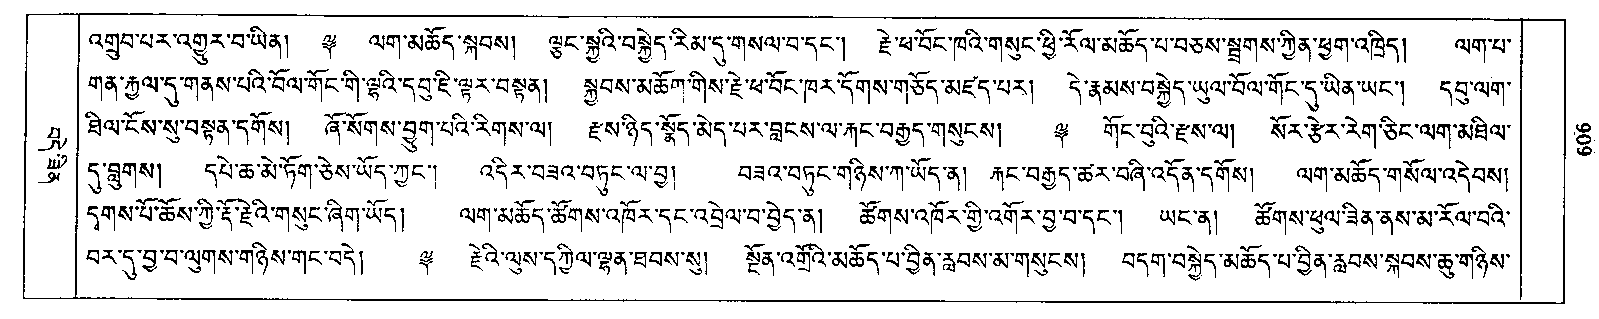འགྲུབ་པར་འགྱུར་བ་ཡིན། ༈ ལག་མཆོད་སྐབས། ལྕང་སྐྱའི་བསྐྱེད་རིམ་དུ་གསལ་བ་དང་། རྗེ་ཕ་བོང་ཁའི་གསུང་ཕྱི་རོལ་མཆོད་པ་བཅས་སྦྲགས་ཀྱིན་ཕྱག་འཁྲིད། ལག་པ་
གན་རྐྱལ་དུ་གནས་པའི་བོལ་གོང་གི་ལྷའི་དབུ་ཇི་ལྟར་བསྟན། སྐྱབས་མཆོག་གིས་རྗེ་ཕ་བོང་ཁར་དོགས་གཅོད་མཛད་པར། དེ་རྣམས་བསྐྱེད་ཡུལ་བོལ་གོང་དུ་ཡིན་ཡང་། དབུ་ལག་
ཐིལ་ངོས་སུ་བསྟན་དགོས། ཞོ་སོགས་བྱུག་པའི་རིགས་ལ། རྫས་ཉིད་སྣོད་མེད་པར་བླངས་ལ་རྐང་བརྒྱད་གསུངས། ༈ གོང་བུའི་རྫས་ལ། སོར་རྩེར་རེག་ཅིང་ལག་མཐིལ་
དུ་བླུགས། དཔེ་ཆ་མེ་ཏོག་ཅེས་ཡོད་ཀྱང་། འདིར་བཟའ་བཏུང་ལ་བྱ། བཟའ་བཏུང་གཉིས་ཀ་ཡོད་ན། རྐང་བརྒྱད་ཚར་བཞི་འདོན་དགོས། ལག་མཆོད་གསོལ་འདེབས།
དྭགས་པོ་ཆོས་ཀྱི་རྡོ་རྗེའི་གསུང་ཞིག་ཡོད། ལག་མཆོད་ཚོགས་འཁོར་དང་འབྲེལ་བ་བྱེད་ན། ཚོགས་འཁོར་གྱི་འགོར་བྱ་བ་དང་། ཡང་ན། ཚོགས་ཕུལ་ཟིན་ནས་མ་རོལ་བའི་
བར་དུ་བྱ་བ་ལུགས་གཉིས་གང་བདེ། ༈ རྗེའི་ལུས་དཀྱིལ་ལྷན་ཐབས་སུ། སྔོན་འགྲོའི་མཆོད་པ་བྱིན་རླབས་མ་གསུངས། བདག་བསྐྱེད་མཆོད་པ་བྱིན་རླབས་སྐབས་ཆུ་གཉིས་